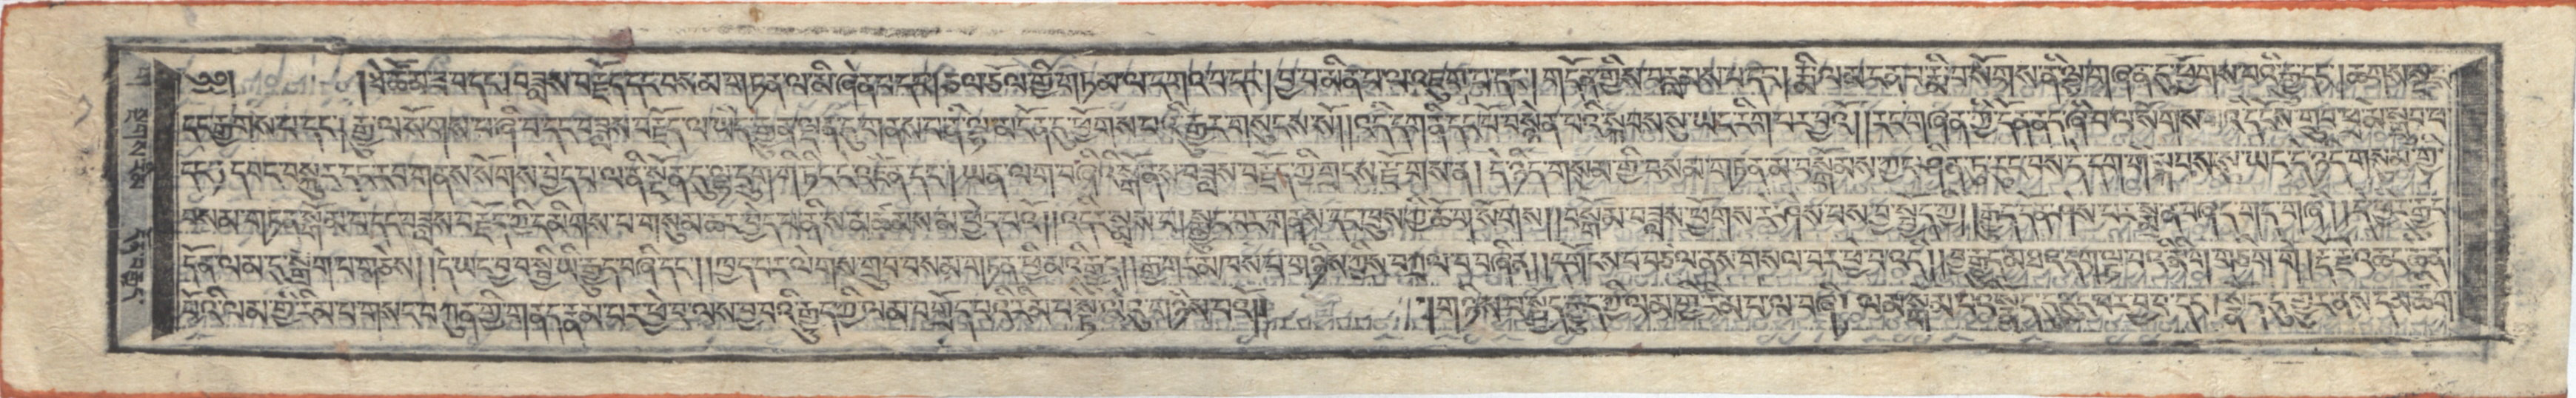༄༅། །ཐེ་ཚོམ་ཟ་བ་དང་། བཟླས་བརྗོད་དང་བསམ་གཏན་ལ་མི་ཞེན་པ་དང་། ཅལ་ཅོལ་གྱི་གཏམ་ལ་དགའ་བ་དང་། བྱ་བ་མིན་པ་ལ་འཇུག་པ་དང་། གདོན་གྱིས་བརླམས་པ་དང་། རྨི་ལམ་ངན་པ་རྨི་བ་སོགས་ནི་ལྷ་གཞན་དུ་ཕྱོགས་པའི་རྒྱུ་དང་། ཆགས་སྡང་
དང་རྒྱགས་པ་དང་། རྒྱུ་ལ་སོགས་པ་ཞི་བ་དང་བཟླས་བརྗོད་ལ་ཡིད་རྒྱུན་ལྡན་དུ་གནས་པ་ནི་ལྷ་མངོན་དུ་ཕྱོགས་པའི་རྒྱུར་གསུངས་སོ། །འདི་དག་ནི་དང་པོ་བསྙེན་པའི་སྐབས་སུ་ཡང་རིག་པར་བྱའོ། །རང་གཞན་གྱི་དོན་ནད་ཞི་བ་ལ་སོགས་པའི་དངོས་གྲུབ་ཕྲ་མོ་སྒྲུབ་པ་
དང༑ དབང་བསྐུར་དང་རབ་གནས་སོགས་བྱེད་པ་ལ་ནི་སྔོན་དུ་ལྷ་དྲུག་གི་ཏིང་ངེ་འཛིན་དང་། ཡན་ལག་བཞིའི་སྒོ་ནས་བཟླས་བརྗོད་ཀྱི་གྲངས་རྫོགས་ན། དེ་ཉིད་གསུམ་གྱི་བསམ་གཏན་མ་བསྒོམས་ཀྱང་ཤིན་ཏུ་རུང་བས་དེ་དག་གི་སྐབས་སུ་ཡང་དེ་ཉིད་གསུམ་གྱི་
བསམ་གཏན་སྒོམ་པ་དང་བཟླས་བརྗོད་ཀྱི་དམིགས་པ་གསུམ་ཆར་བྱེད་པ་ནི་ས་མཚམས་མ་ཕྱེད་པའོ། །འདིར་སྨྲས་པ། སྨྱུང་བར་གནས་དང་ཁྲུས་ཀྱི་ཆོ་ག་སོགས། །བསྒོམ་བཟླས་ཕྱོགས་རེ་ཤེས་པས་བྱ་སྤྱོད་ཀྱི། །རྒྱུད་དོན་ཤེས་པར་སྨྲ་ན་བཞད་གད་གཞི། །དེ་ཕྱིར་རྒྱུད་
དོན་ལམ་དུ་སྒྲིག་པ་གཅེས། །དེ་ཡང་བྱ་བ་སྤྱི་ཡི་རྒྱུད་བཞི་དང་། །ཁྱད་པར་ལེགས་གྲུབ་བསམ་གཏན་ཕྱི་མའི་རྒྱུད། །རྒྱ་གར་མཁས་པ་གཉིས་ཀྱིས་བཀྲལ་བ་བཞིན། །དགོངས་པ་བཙལ་ནས་གསལ་བར་ཕྱེ་བ་འདི། །བྱ་རྒྱུད་མཐའ་དག་ལྟ་བའི་མིག་གཅིག་གོ །རྡོ་རྗེ་འཆང་ཆེན་
པོའི་ལམ་གྱི་རིམ་པ་གསང་བ་ཀུན་གྱི་གནད་རྣམ་པར་ཕྱེ་བ་ལས་བྱ་བའི་རྒྱུད་ཀྱི་ལམ་བགྲོད་པའི་རིམ་པ་སྟེ་ལེའུ་གཉིས་པའོ།། །།གཉིས་པ་སྤྱོད་རྒྱུད་ཀྱི་ལམ་གྱི་རིམ་པ་ལ་བཞི། ལམ་སྒོམ་པའི་སྣོད་དུ་རུང་བར་བྱ་བ་དང་། སྣོད་དུ་གྱུར་ནས་དམ་ཚིག་